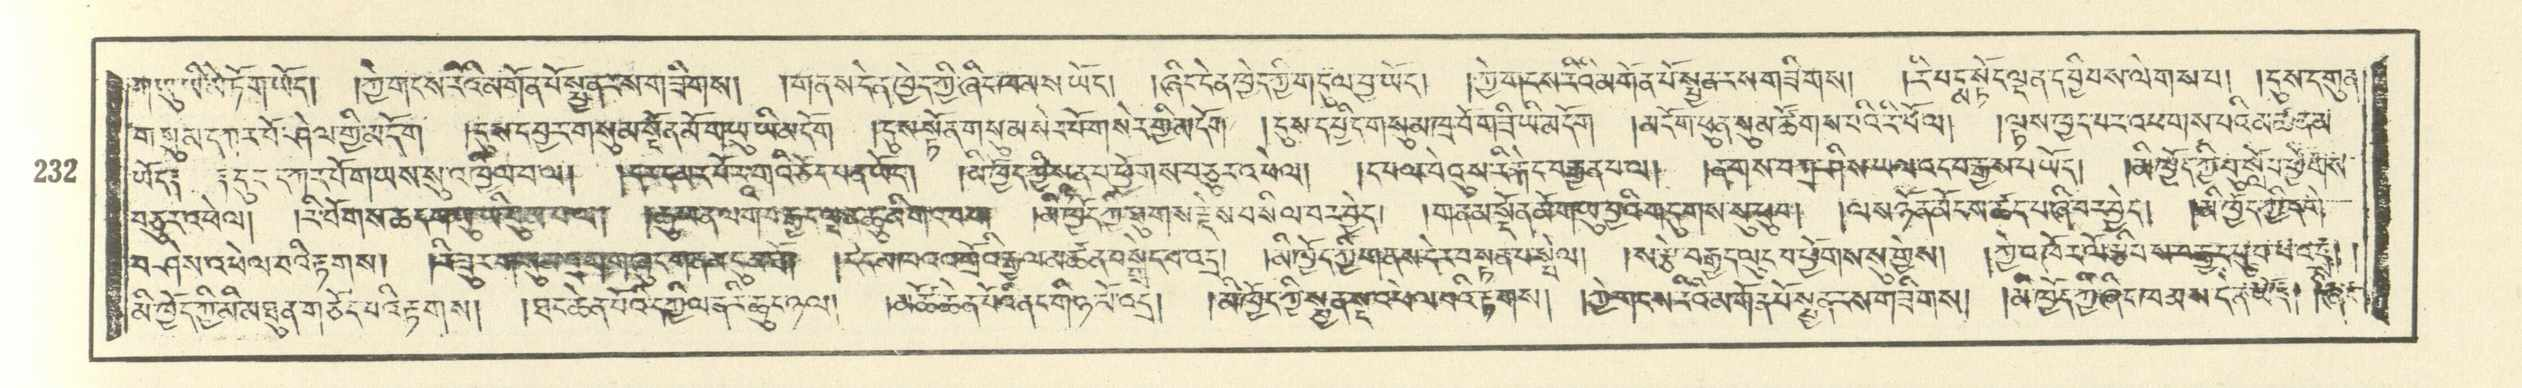གཡུ་ཡི་མེ་ཏོག་ཡོད། །ཀྱེ་གངས་རིའི་མགོན་པོ་སྤྱན་རས་གཟིགས། །གནས་དེན་ཁྱེད་ཀྱི་ཞིང་ཁམས་ཡོད། །ཞིང་དེན་ཁྱེད་ཀྱི་གདུལ་བྱ་ཡོད། །ཀྱེ་གངས་རིའི་མགོན་པོ་སྤྱན་རས་གཟིགས། །རི་པདམ་སྟོང་ལྡན་དབྱིབས་ལེགས་པ། །དུས་དགུན་
གསུམ་དཀར་པོ་ཤེལ་གྱི་མདོག །དུས་དབྱར་གསུམ་སྔོན་མོ་གཡུ་ཡི་མདོག །དུས་སྟོན་གསུམ་སེར་པོ་གསེར་གྱི་མདོག །དུས་དཔྱིད་གསུམ་ཁྲ་བོ་གཟི་ཡི་མདོག །མདོག་ཕུན་སུམ་ཚོགས་པའི་རི་བོ་ལ། །ལྟས་ཁྱད་པར་འཕགས་པའི་མཚན་མ་
ཡོད༑ ༑དུང་དཀར་པོ་གཡས་སུ་འཁྱིལ་བ་ལ། །དར་དམར་པོ་རཱ་གའི་ཅོད་པན་ཡོད། །མི་ཁྱོད་ཀྱི་སྙན་པ་ཕྱོགས་བཅུར་འཕེལ། །དཔལ་བེའུས་རི་རྐེང་བརྒྱན་པ་ལ། །ནགས་བཀྲ་ཤིས་ཡལ་འདབ་རྒྱས་པ་ཡོད། །མི་ཁྱོད་ཀྱི་བུ་སློབ་ཕྱོགས་
བཅུར་འཕེལ། །རི་བོ་གས་ཆད་གཡུ་ཡི་བུམ་པ་ལ། །ཆུ་ཡན་ལག་བརྒྱད་ལྡན་ཆུ་མིག་འབབ། །མི་ཁྱོད་ཀྱི་ཐུགས་རྗེས་བསིལ་བར་བྱེད། །གནམ་སྡོན་མོ་གཡུ་བྱའི་གདུགས་སུ་ཕུབ། །ལས་ཉོན་མོངས་ཚད་པ་ཞི་བར་བྱེད། །མི་ཁྱོད་ཀྱི་དགེ་
བཤེས་འཕེལ་བའི་རྟགས། །རི་ཟུར་གསུམ་བྲག་གཞུང་གནམ་དུ་མཐོ། །དེད་མཁའ་འགྲོའི་རྒྱལ་མཚན་བསྒྲེང་བ་འདྲ། །མི་ཁྱོད་ཀྱི་གནས་དེར་བསྟན་པ་སྤེལ། །ས་རྩེ་བརྒྱད་ལུང་པ་ཕྱོགས་སུ་གྱེས། །ཀྱེ་འཁོར་ལོ་རྩིབས་བརྒྱད་ཕུབ་པ་འདྲ། །
མི་ཁྱོད་ཀྱི་མི་མཐུན་གཅོད་པའི་རྟགས། །ཐང་ཆེན་པོའི་དཀྱིལ་ན་རི་ཆུང་ཉལ། །མཚོ་ཆེན་པོའི་ནང་གི་ཉ་མོ་འདྲ། །མི་ཁྱོད་ཀྱི་སྤྱན་སྔ་འཕེལ་བའི་རྟགས། །ཀྱེ་གངས་རིའི་མགོན་པོ་སྤྱན་རས་གཟིགས། །མི་ཁྱོད་ཀྱི་ཞིང་ཁམས་དེན་ཡོད། །ཞིང་